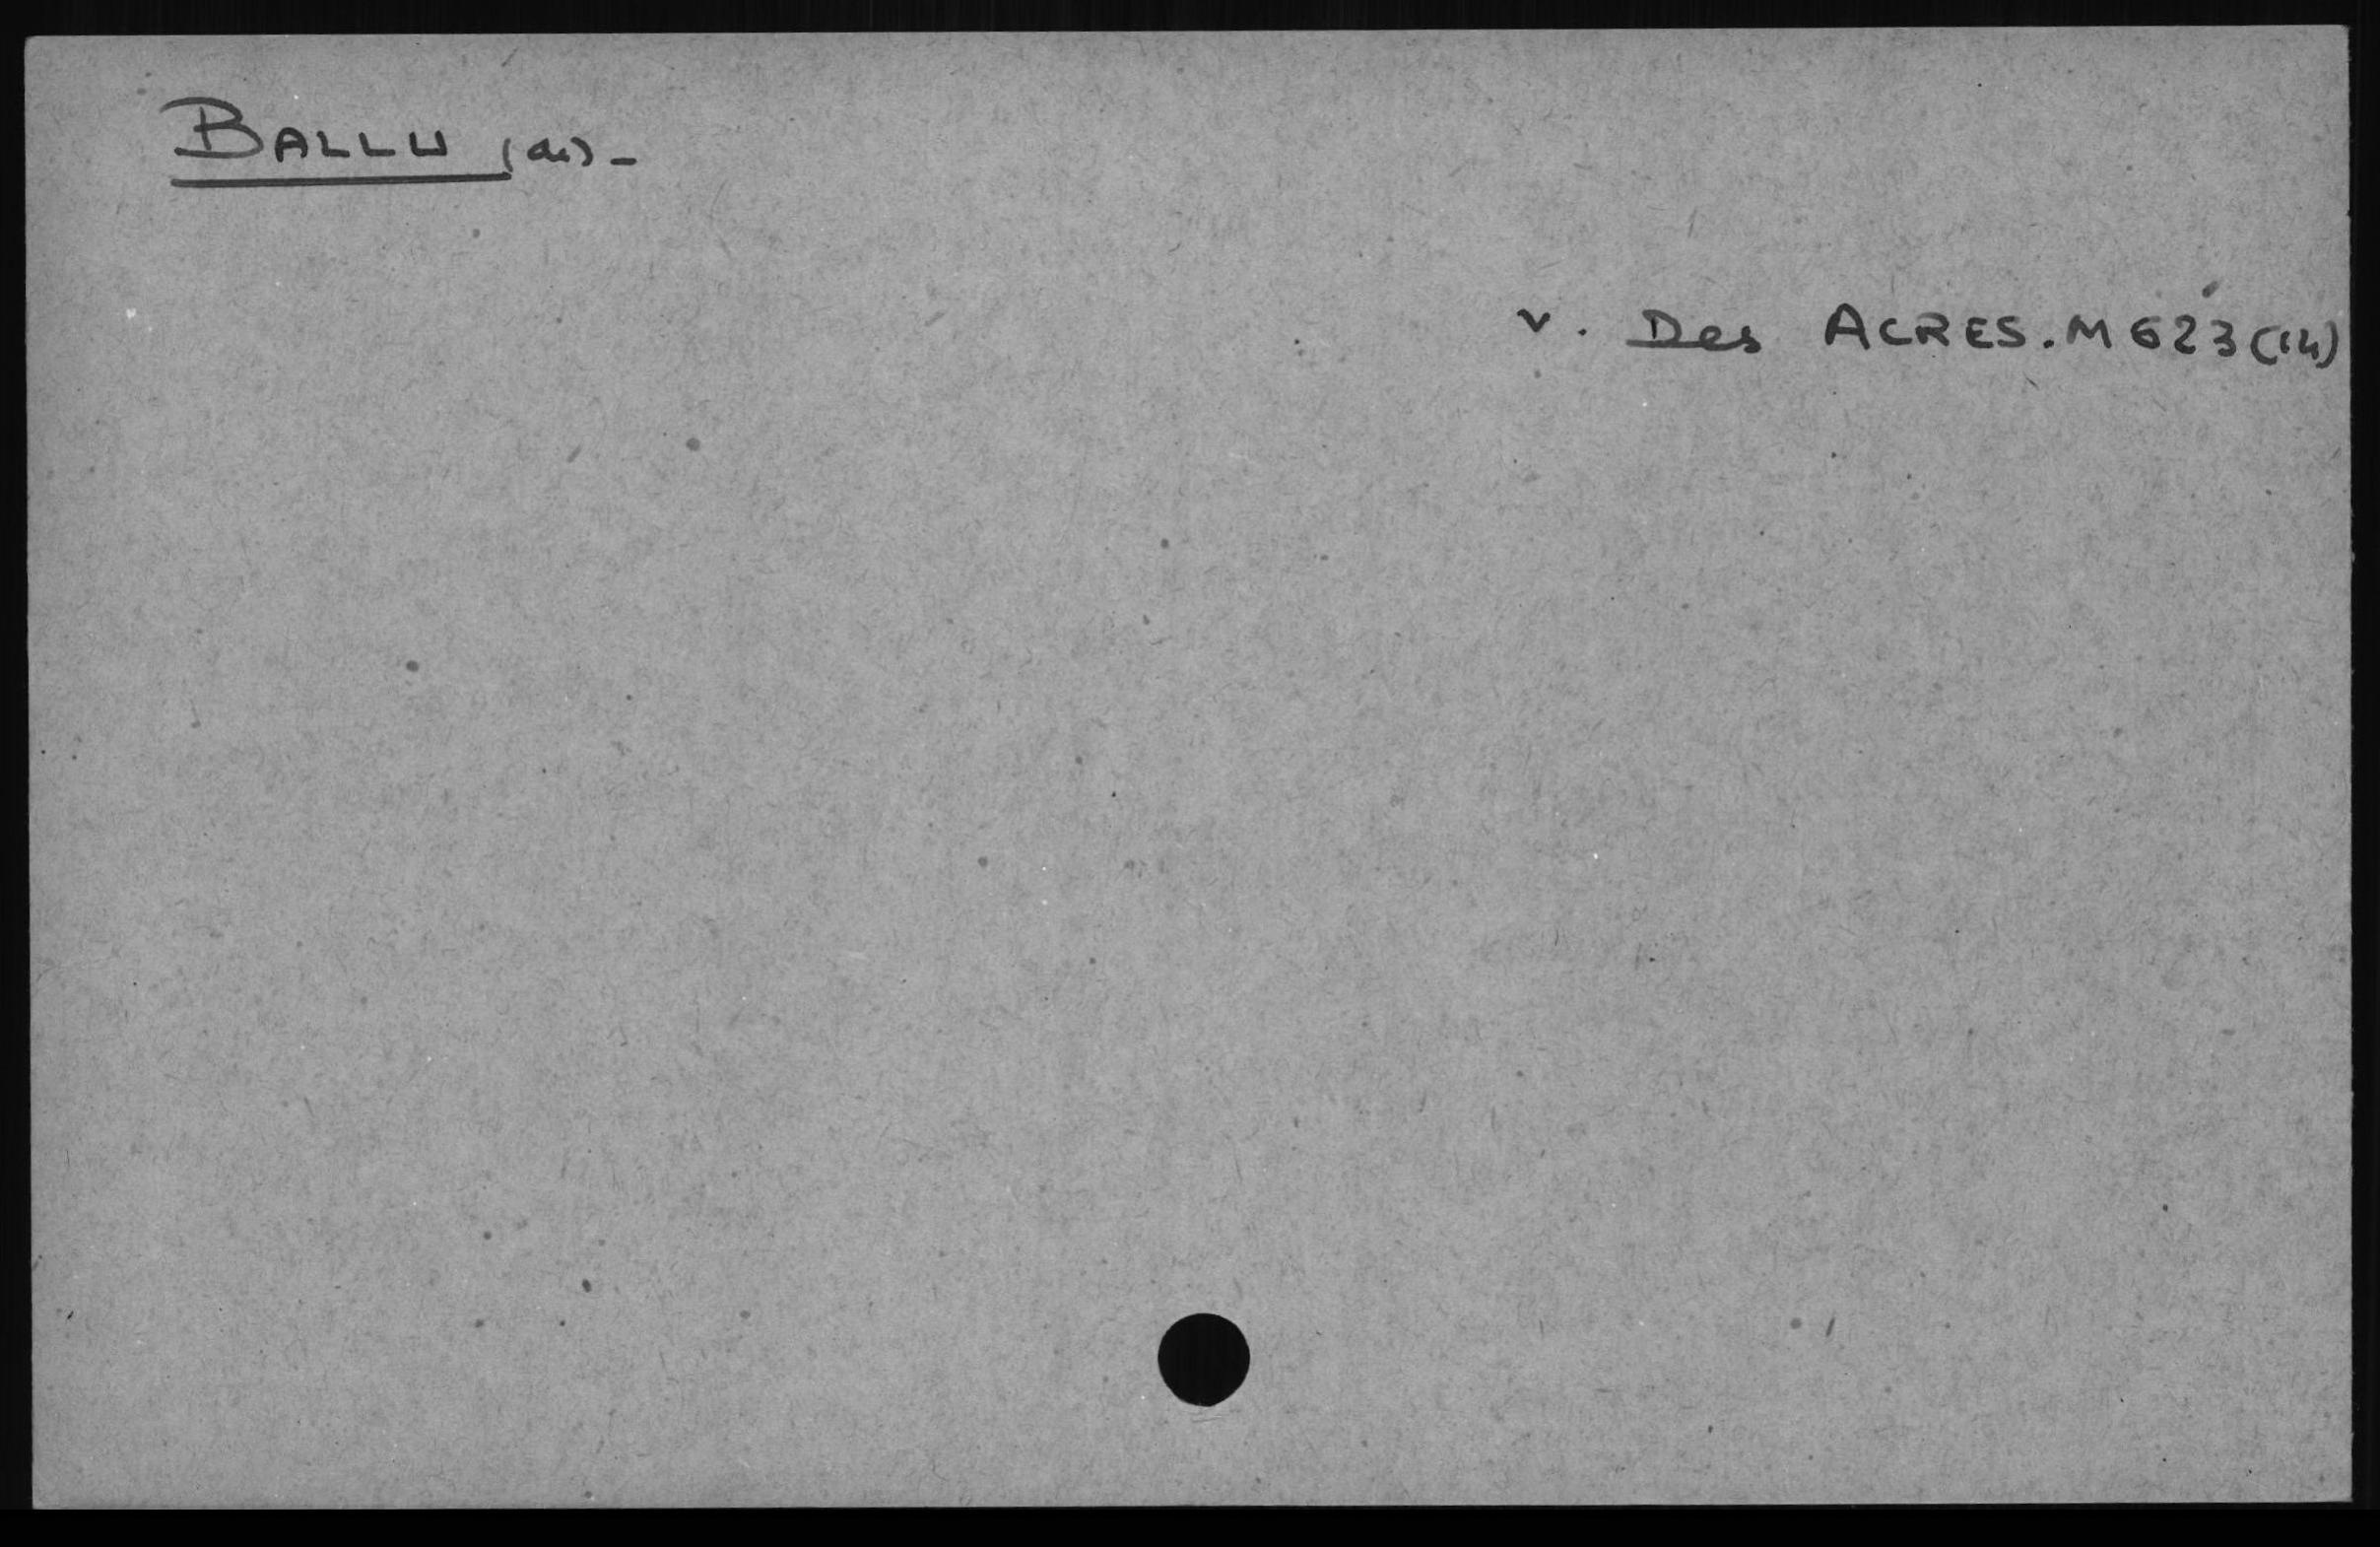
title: BALLU (de).
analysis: voir DES ACRES.
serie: M
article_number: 623
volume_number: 14
